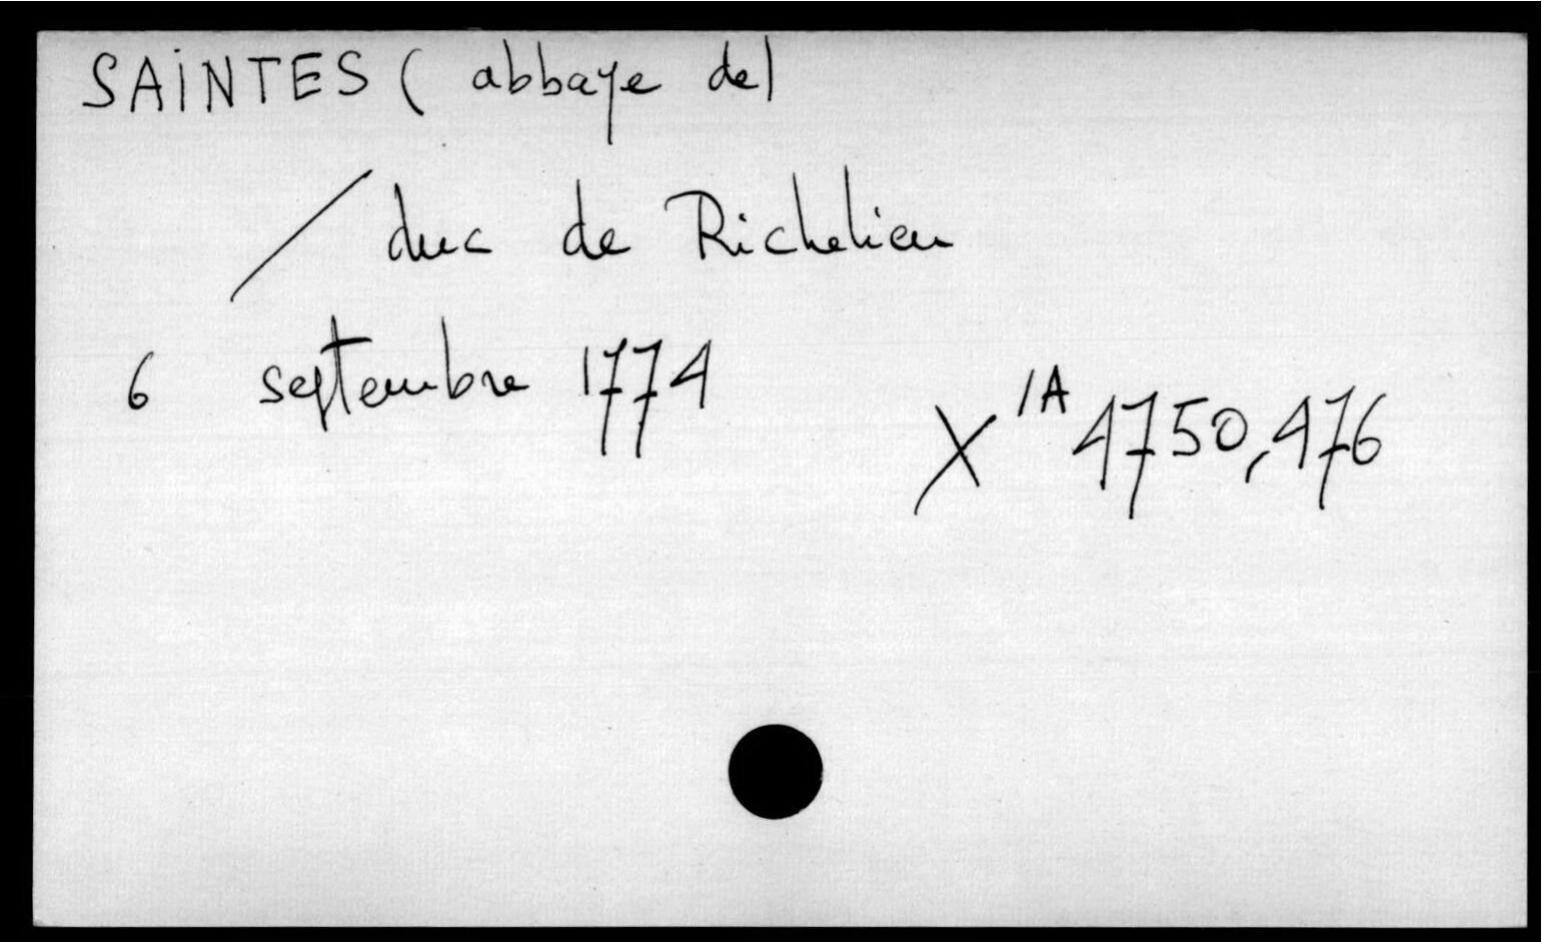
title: SAINTES (abbaye de)
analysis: Contre duc de Richelieu
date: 6 septembre 1774
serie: X1A
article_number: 4750
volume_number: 476
